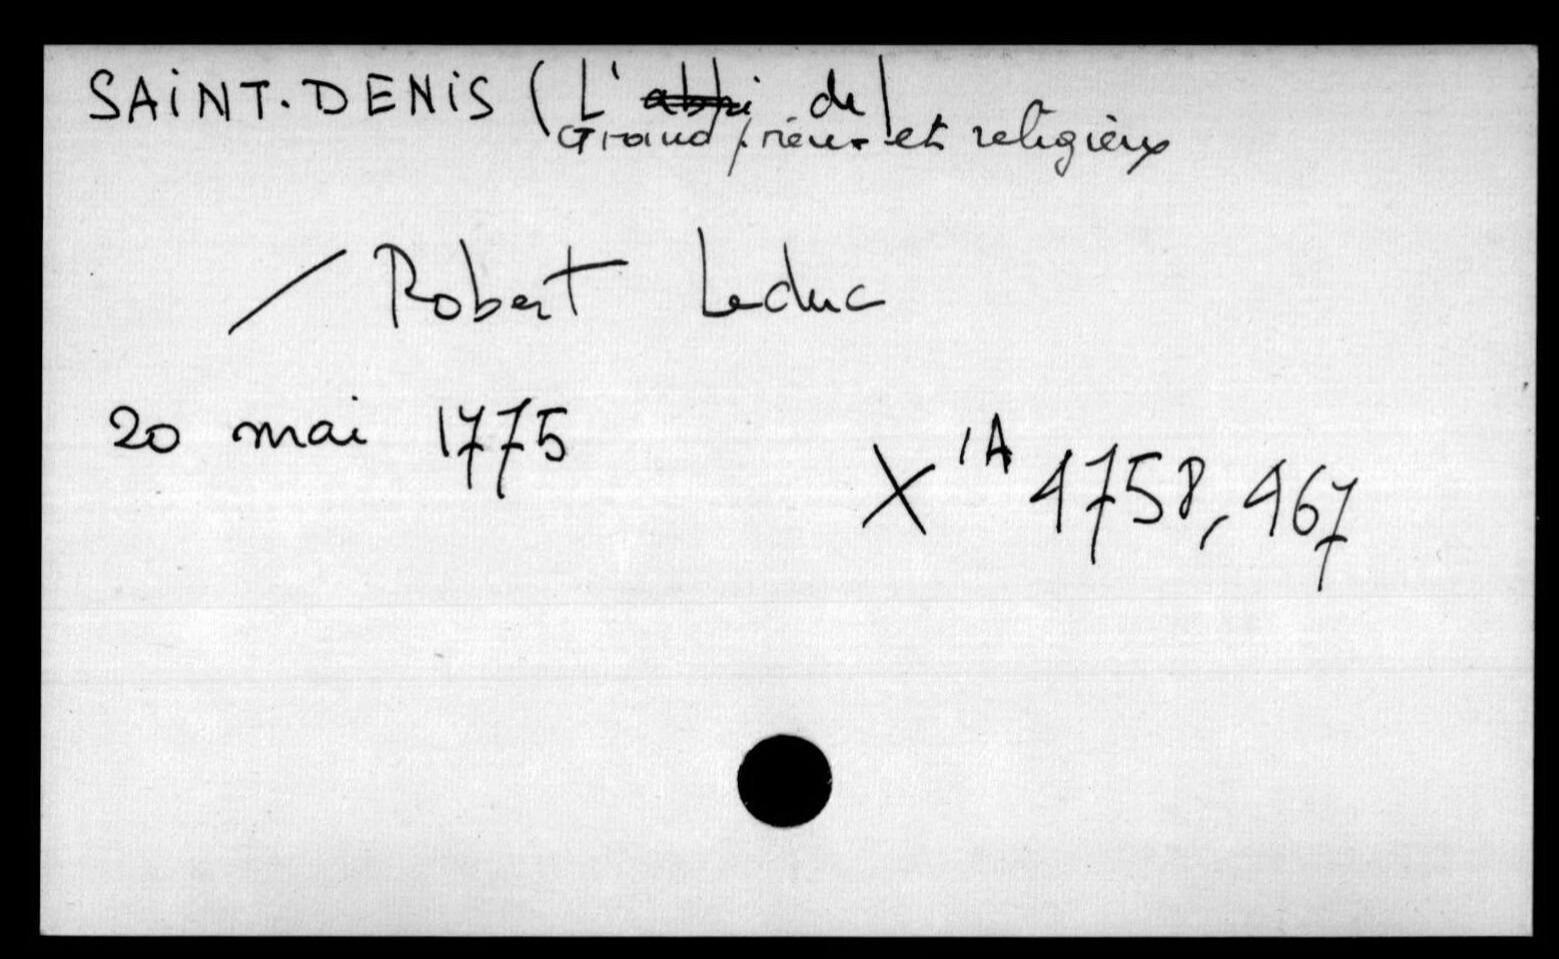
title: SAINT-DENIS (Grand prieur et religieux de)
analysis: Contre Robert Leduc
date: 20 mai 1775
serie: X1A
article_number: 4758
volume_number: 467
